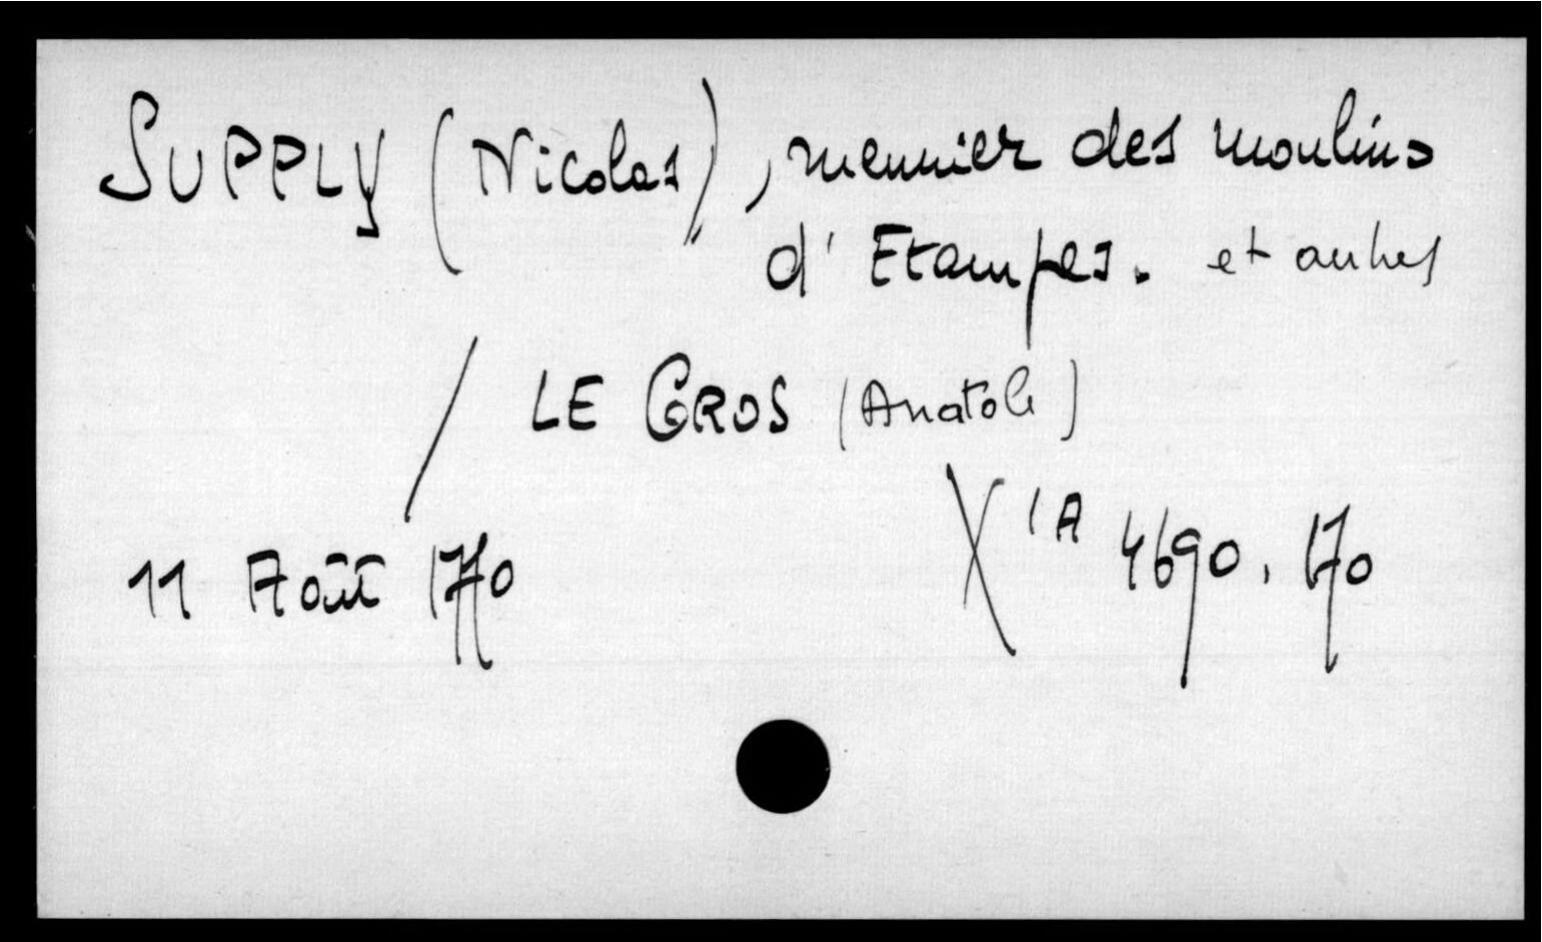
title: SUPPLY (Nicolas), meunier des moulins d'Étampes et autres
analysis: Contre LE GROS (Anatole)
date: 11 août 1770
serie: X1A
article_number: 4690
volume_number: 170
